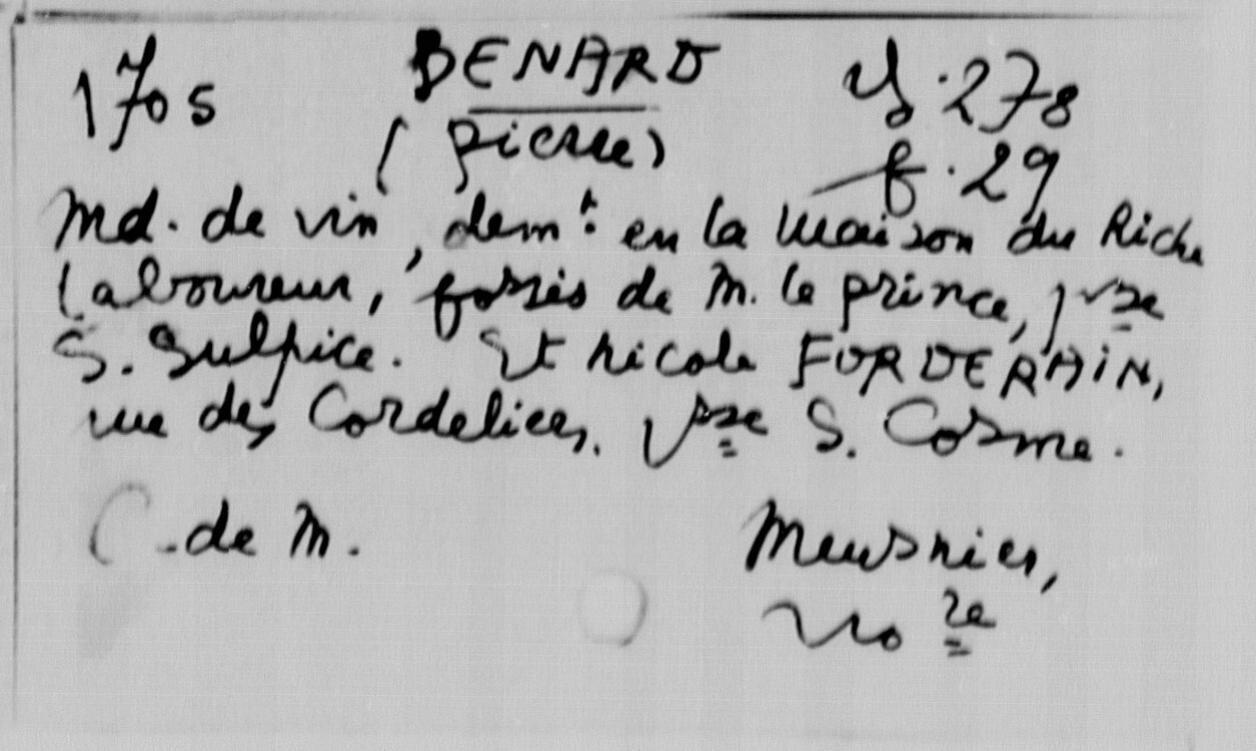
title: BENARD (Pierre)
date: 1705
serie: Y
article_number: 278
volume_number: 29
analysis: Marchand de vin, demeurant en la Maison du riche Laboureur, fossés de monsieur le Prince, paroisse Saint-Sulpice. Et Nicole FORDERAIN, rue des Cordeliers, paroisse Saint-Cosme. Contrat de mariage. Meusnier, notaire.
